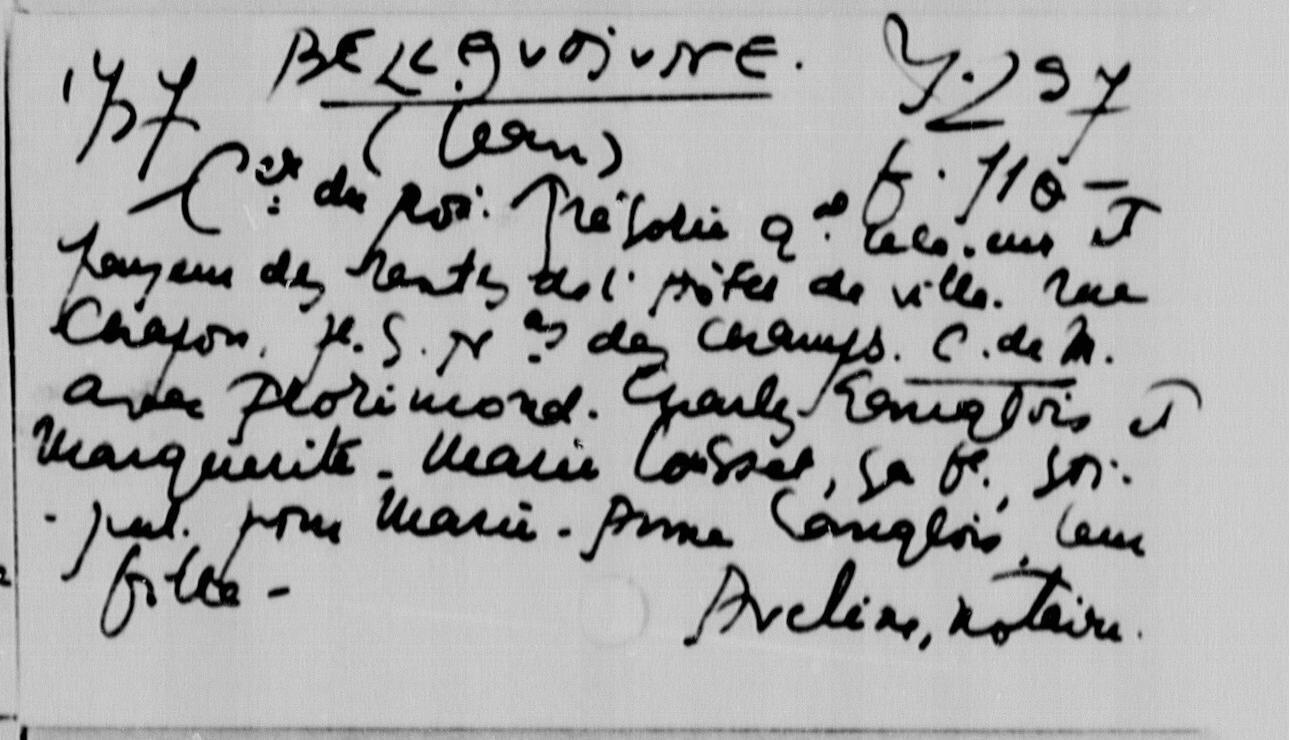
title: BELLAVOINE (Jean)
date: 1717
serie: Y
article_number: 297
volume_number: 110
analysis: Conseiller du roi. Trésorier général receveur et payeur des rentes de l'Hôtel de Ville. Rue Chapon, paroisse Saint-Nicolas des Champs. Contrat de mariage avec Florimond-Charles Langlois et Marguerite-Marie Cousset, sa femme, stipulant pour Marie-Anne Langlois, leur fille. Aveline, notaire.
